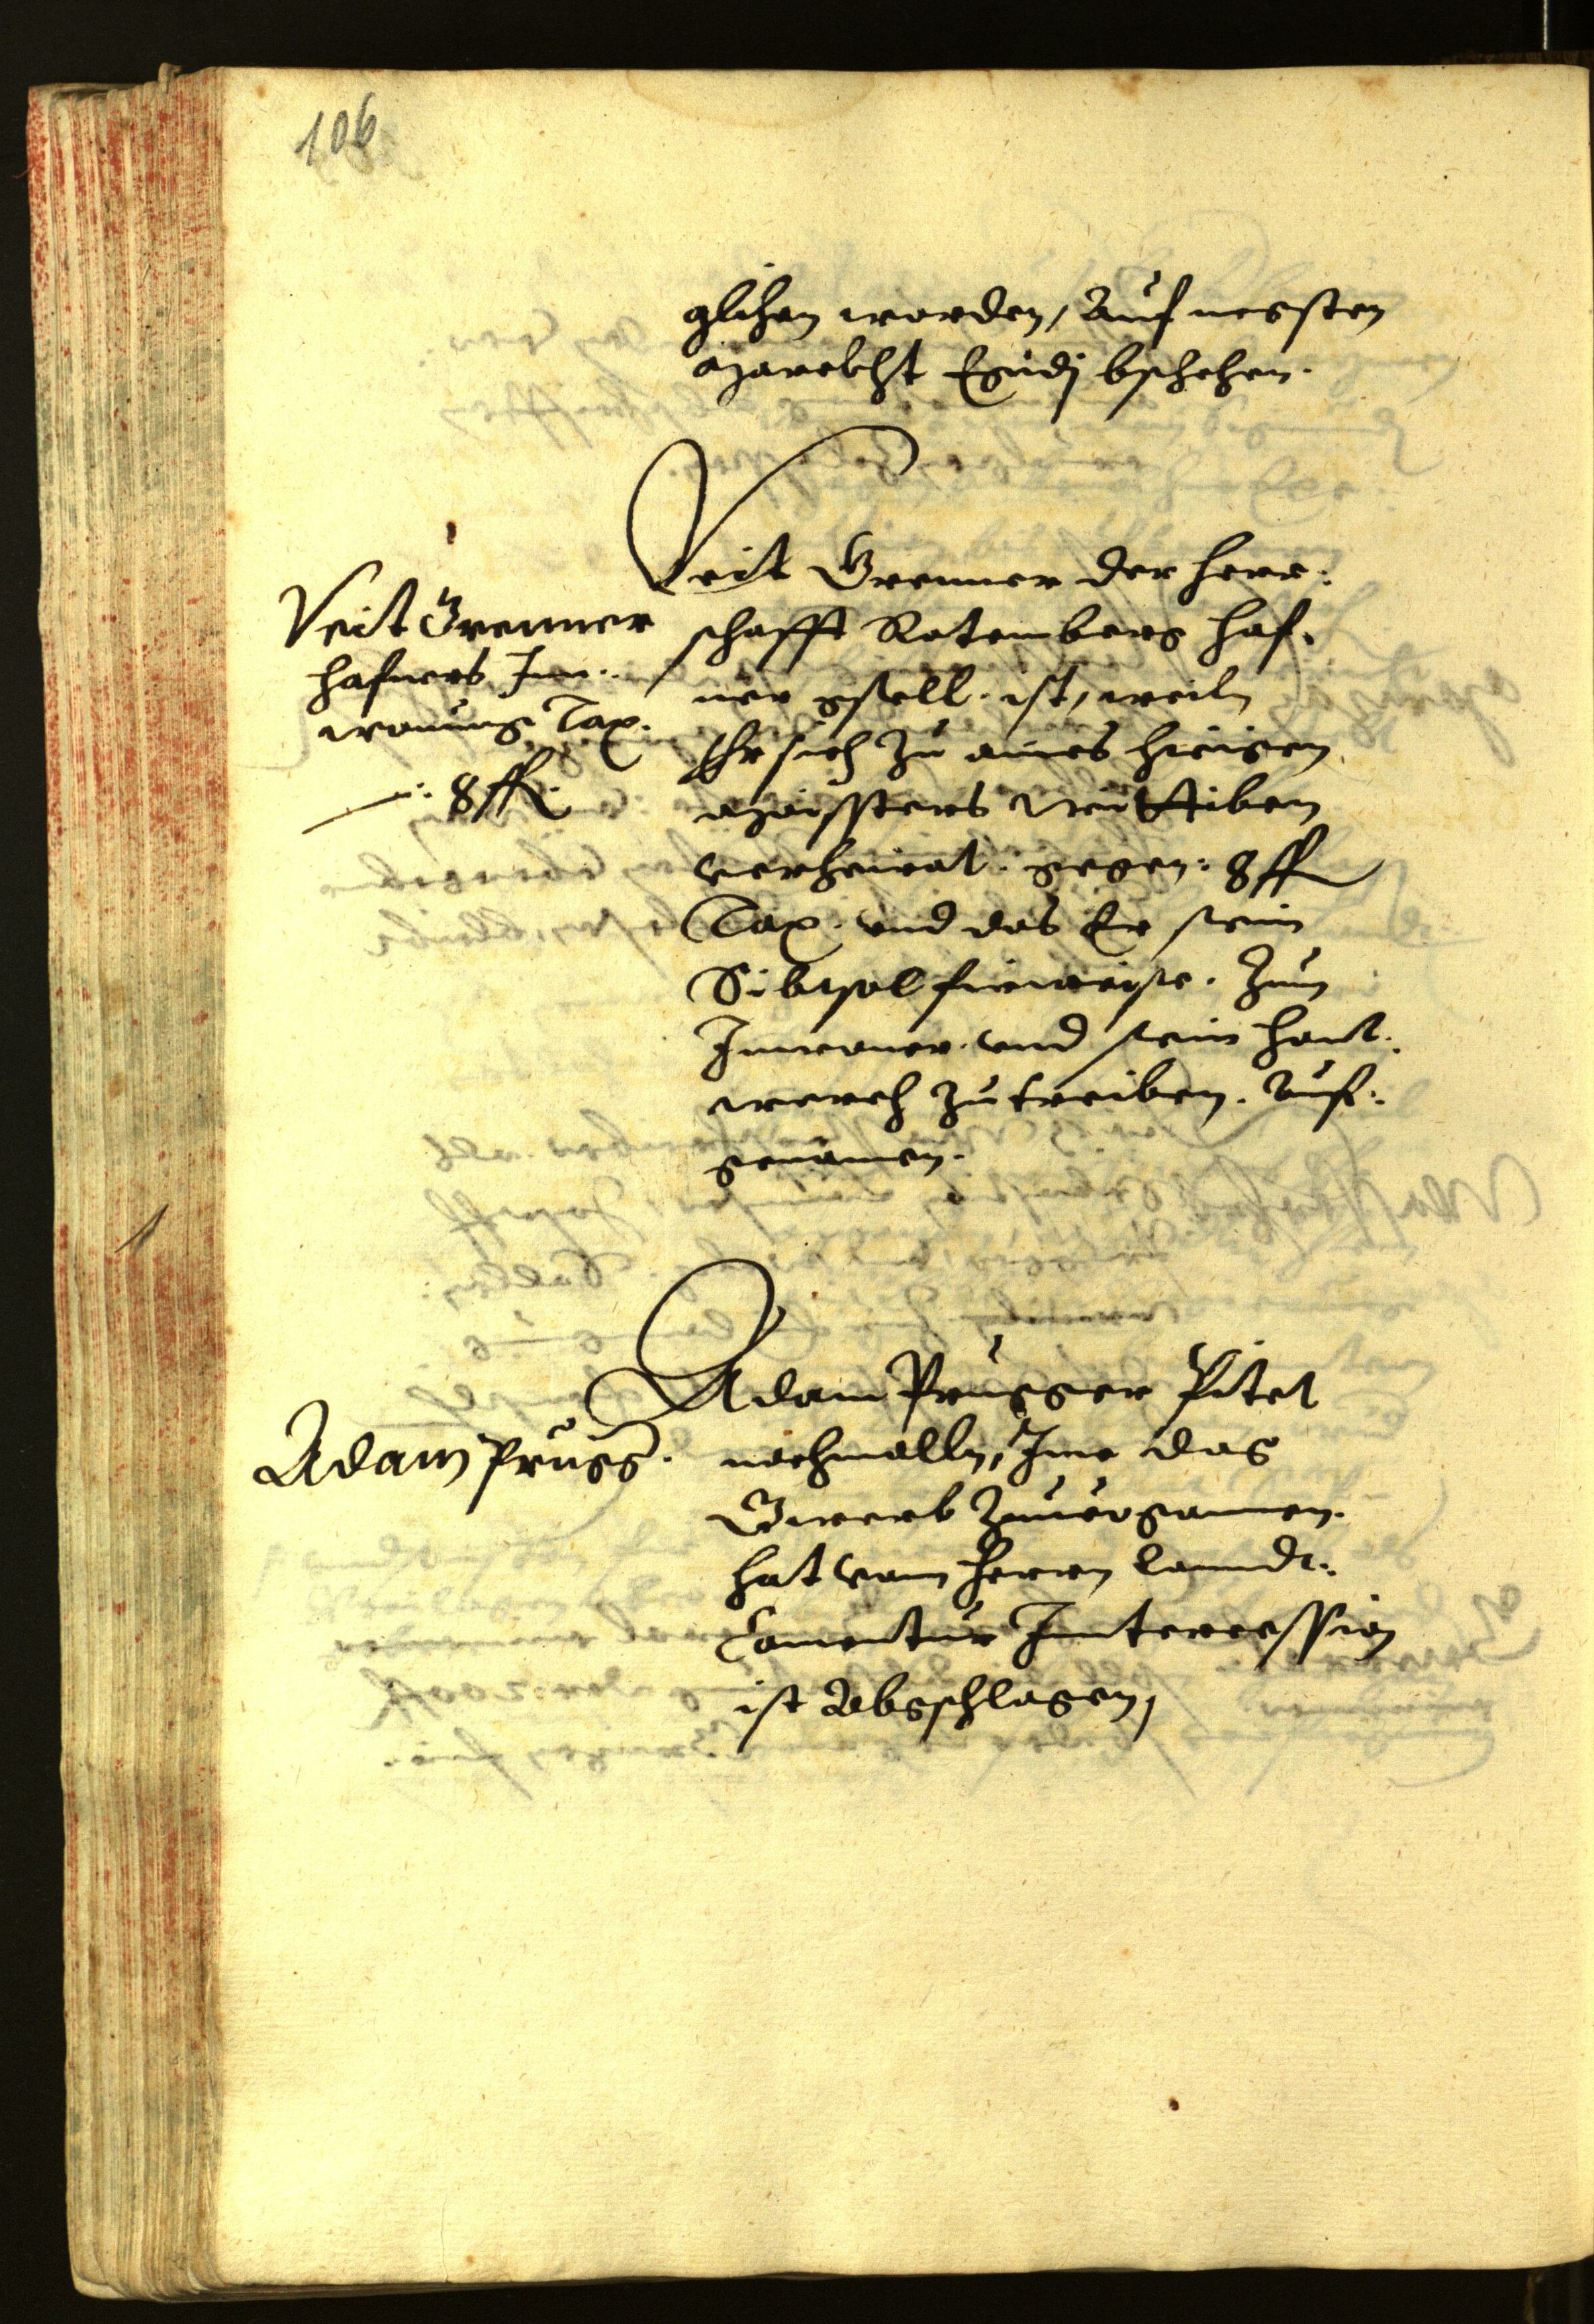106
glihen worden, Aūf negsten
Marckht Egidj bschehen.
Veit Grenner der herr¬
schafft Ratemberg Haf¬
ner gsell. ist, weiln
Er sich Zū aines hieigen
Maissters Wittiben
verheirat. gegen: 8 fl
Tax. vnd das Er sein
Sibtsal firweise. Zūm
Inwoner. vnd sein hant¬
werch Zū treiben. Aūf¬
genomen.
Veit Grenner
hafners Inn¬
wonūng Tax.
—: 8 fl.
Adam Prūgger Pitet
nochmalln, Ime das
Gwerb Zūūergonnen.
hat vom herrn Lanndt¬
Comentūr Inntercession
ist Abgschlagen,
Adam Prūgg.